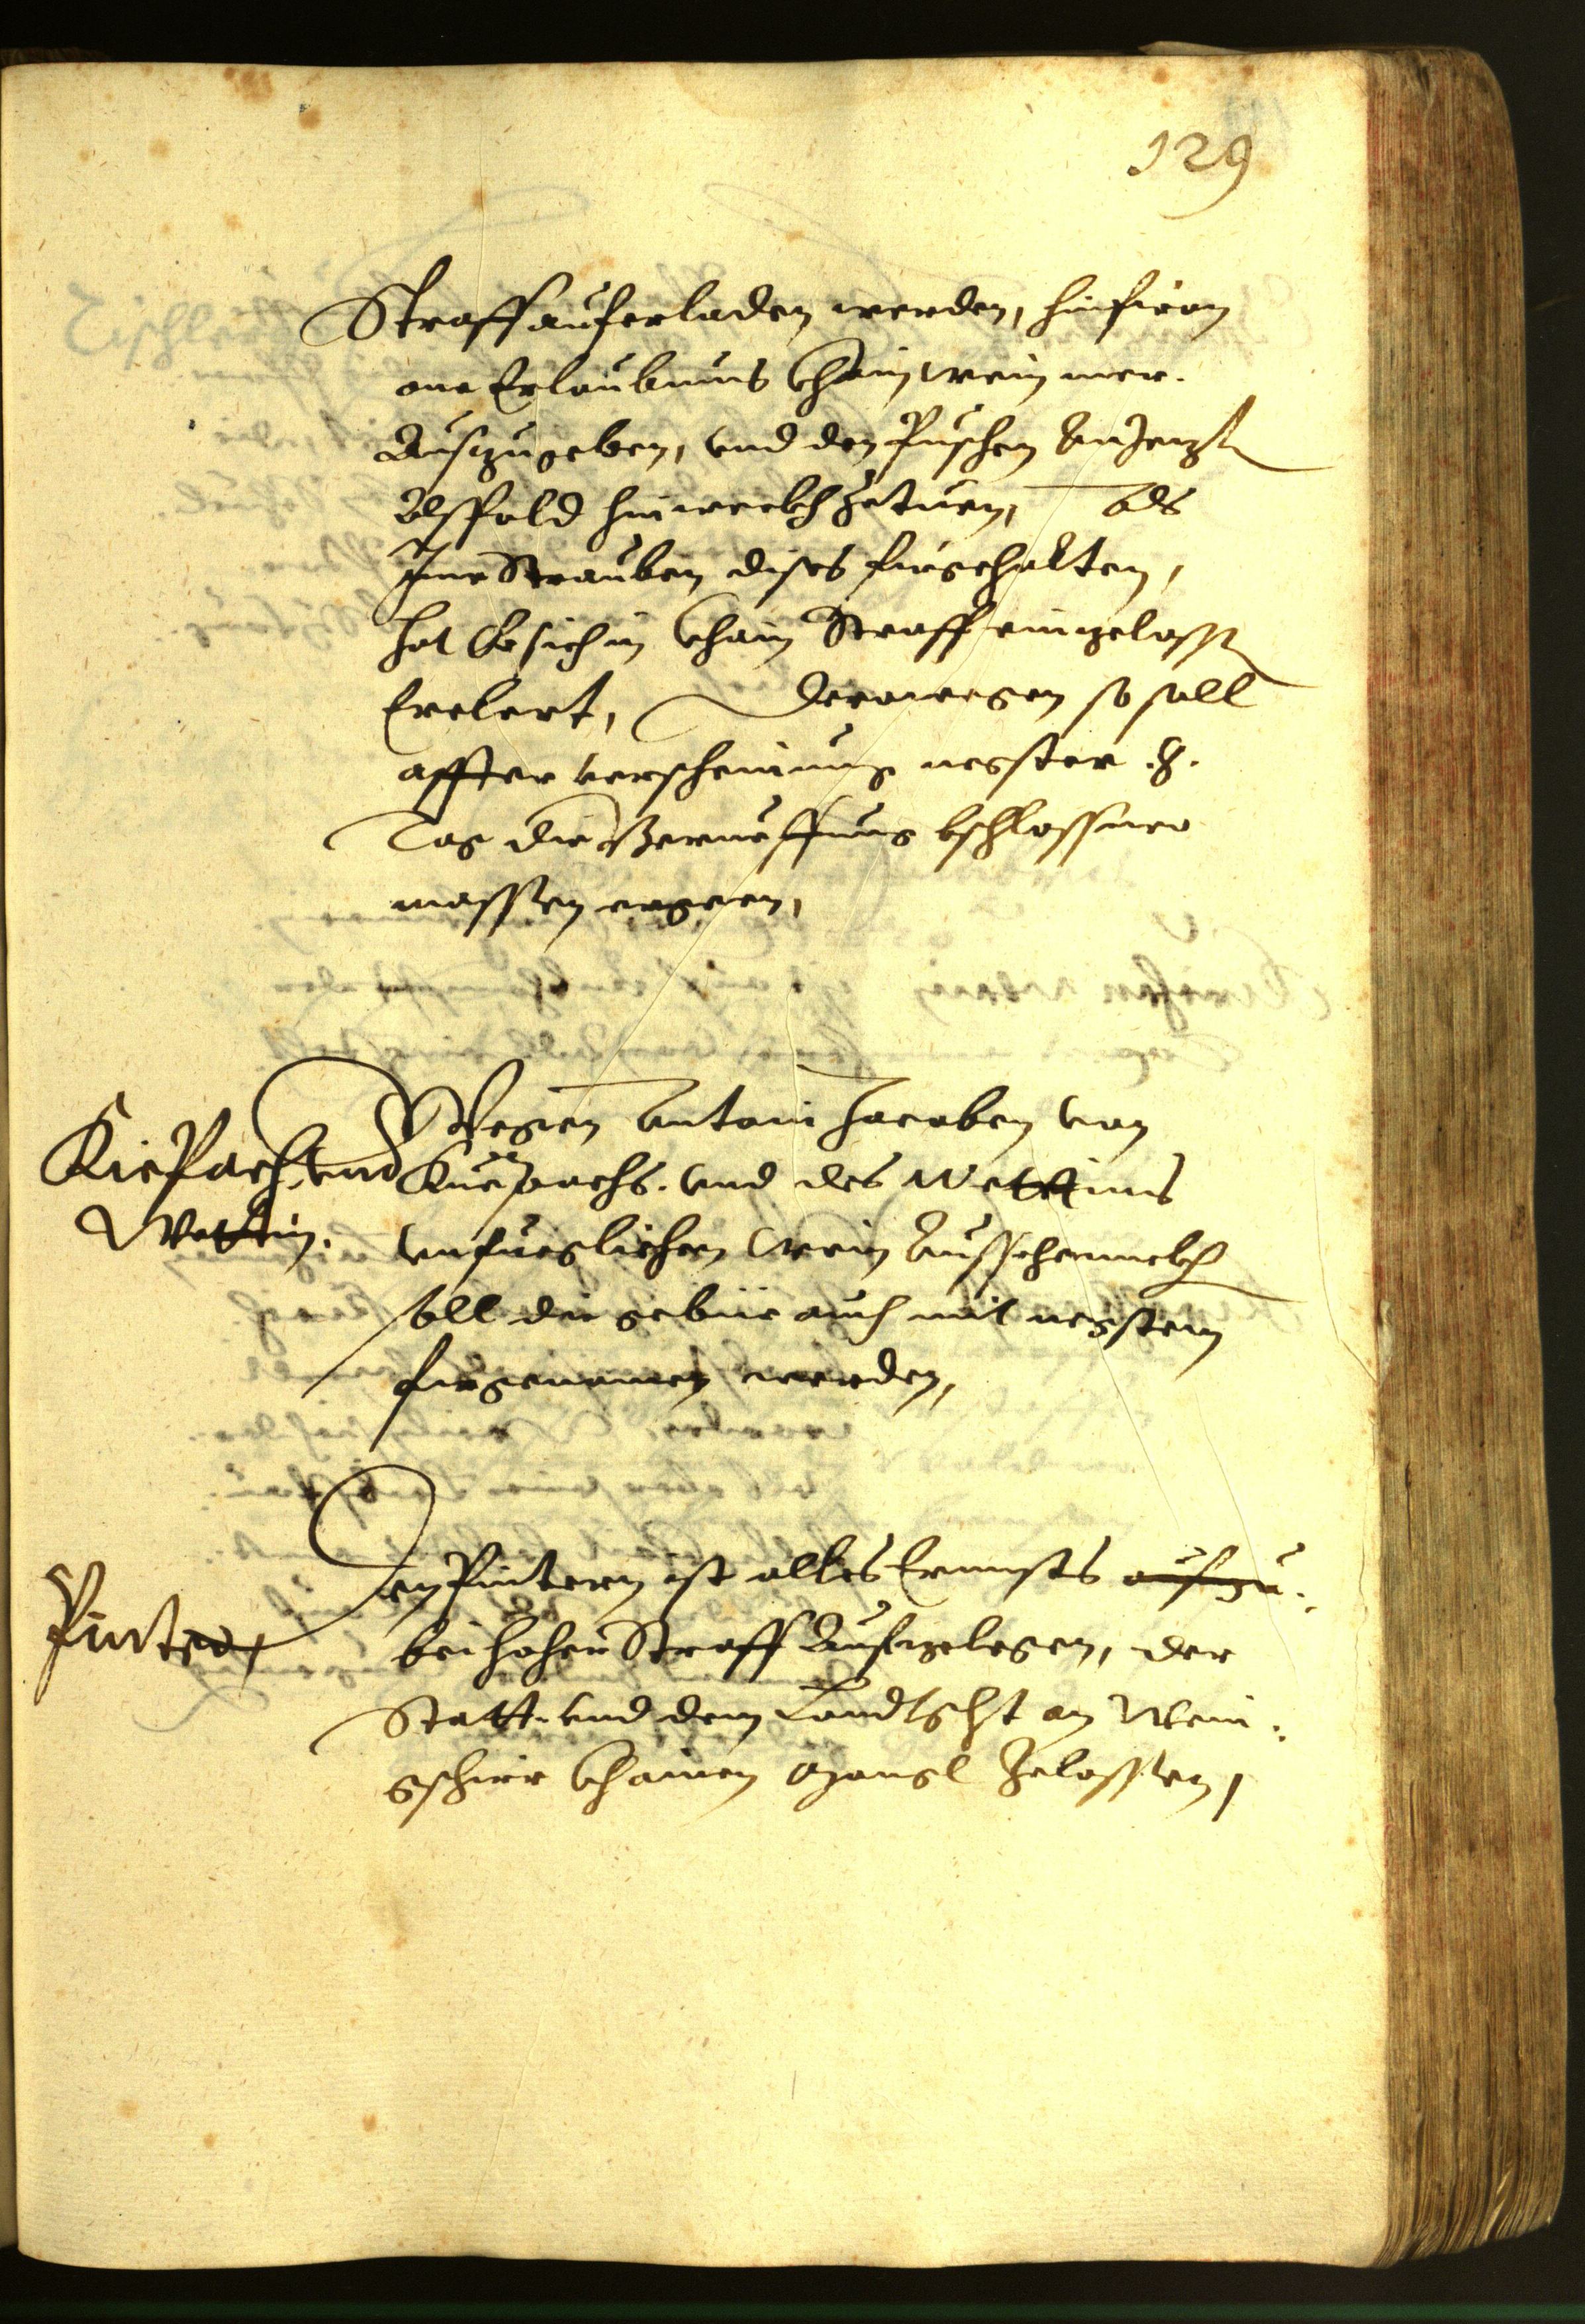129
Straff aūferladen werden, hinfiran
one Erlaūbnūs khain wein mer
Aūszūgeben, vnd den Pūschen An Jezt
AlsPald hin weckh Zetūen, Als
Ime Straūben dises firgehalten,
hat Er sich in khain Straff einzelass
Erclert, Derowegen so soll
affter verscheinūng negster .8.
Tag der Berūeffūng bschlossner
massen ergeen,
Wegen Antoni Jacoben von
KūePachs. vnd des Wettins
vnfūeglichen wein Aūsschenckh
soll die gebür aūch mit negsten
firgenomen werden,
KiePach. vnd
Wettin.
Den Pintern ist alles Ernnsts aūfzū¬
bei hoher Straff Aūfzelegen, der
Statt: vnd dem Landtght an Wein¬
gschirr khainen Mangl Zelassen/
Pinter/